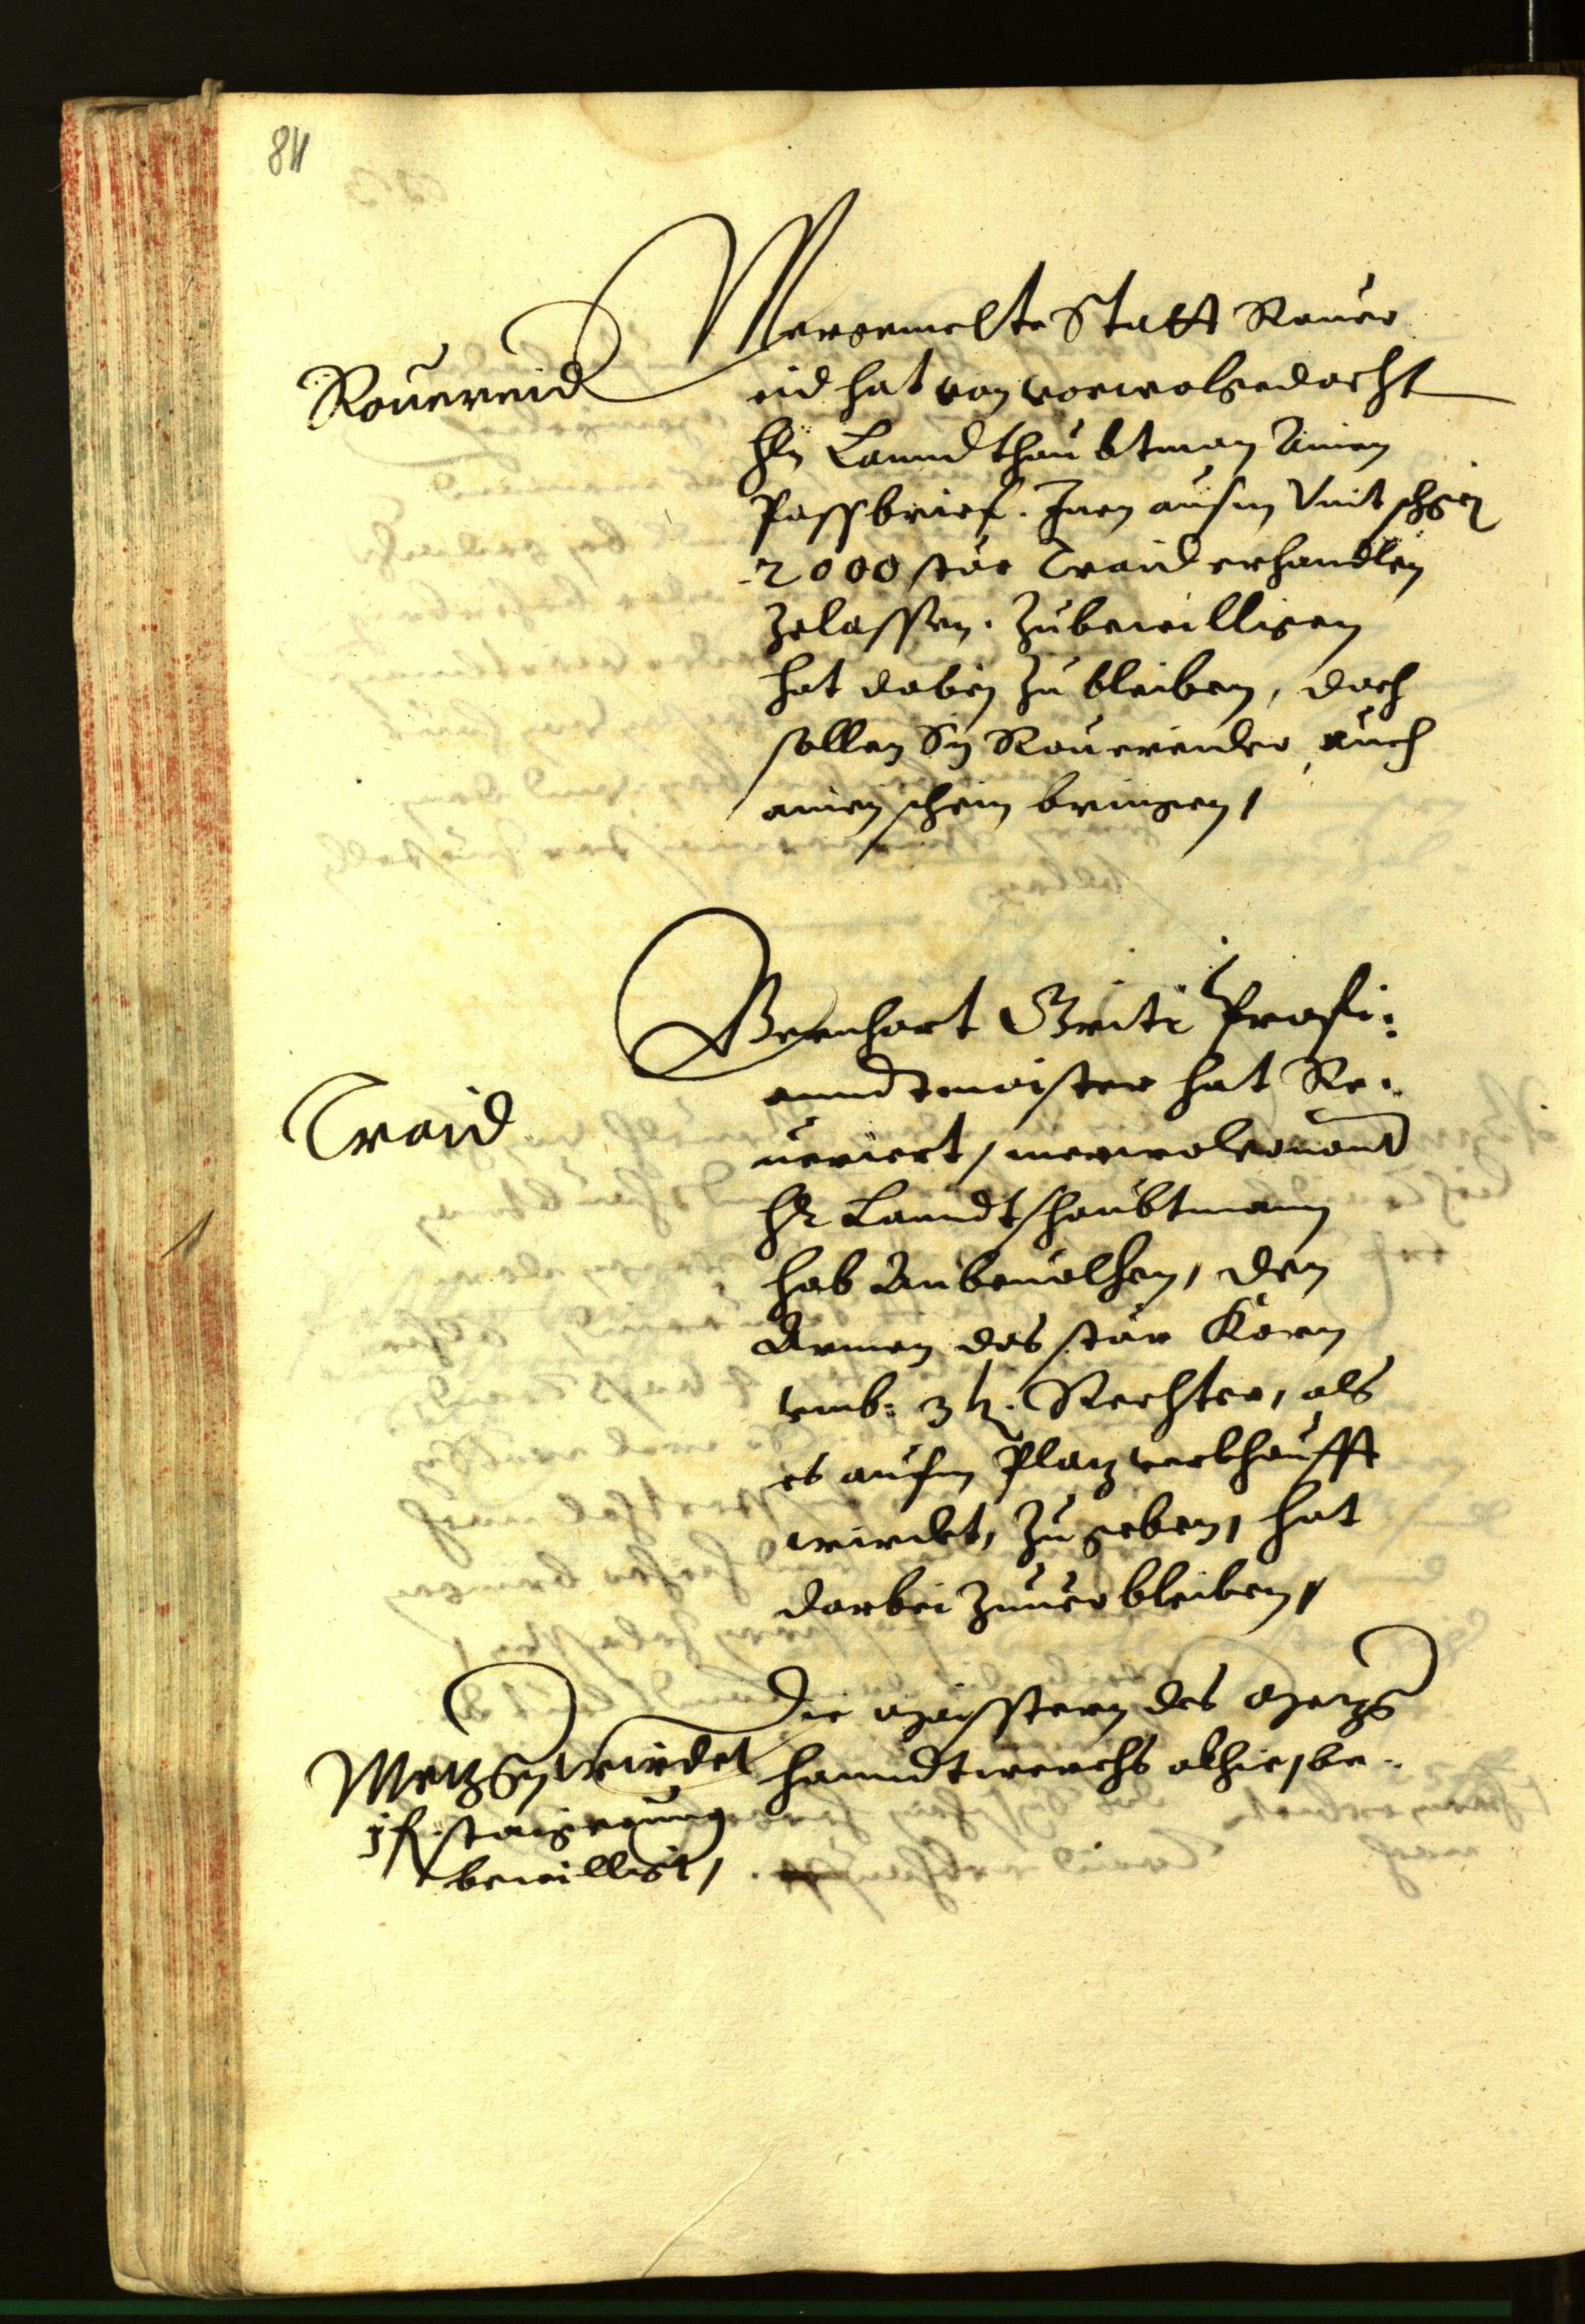84
Mergemelte Statt Roūer¬
eid hat von vorwolgedacht
hln Lanndthaūbtman Ainen
Passbrief. Inen aūfm Vintschgej
.2000 stār Traid erhandlen
Zelassen. Zūbewilligen,
hat dabej Zū bleiben, doch
sollen Sy Roūereider aūch
ainen schein bringen,
Roūereid
Bernhart Griti Profi¬
anndtmaister hat Re¬
ūeriert, merwolernant
hl Lanndtshaūbtmann
hab Anbeūolhen, den
Armen das stār Korn
umb: 3 k. Rechter, als
es aūfm Plaz verkhaūfft
wirdet, Zū geben, hat
darbei Zūūerbleiben,
Traid
Die Maisstern des Mezg
Hanndtwerchs alhie, be¬
Mezgn wirdet
1 fl. staigerūng
bewilligt,